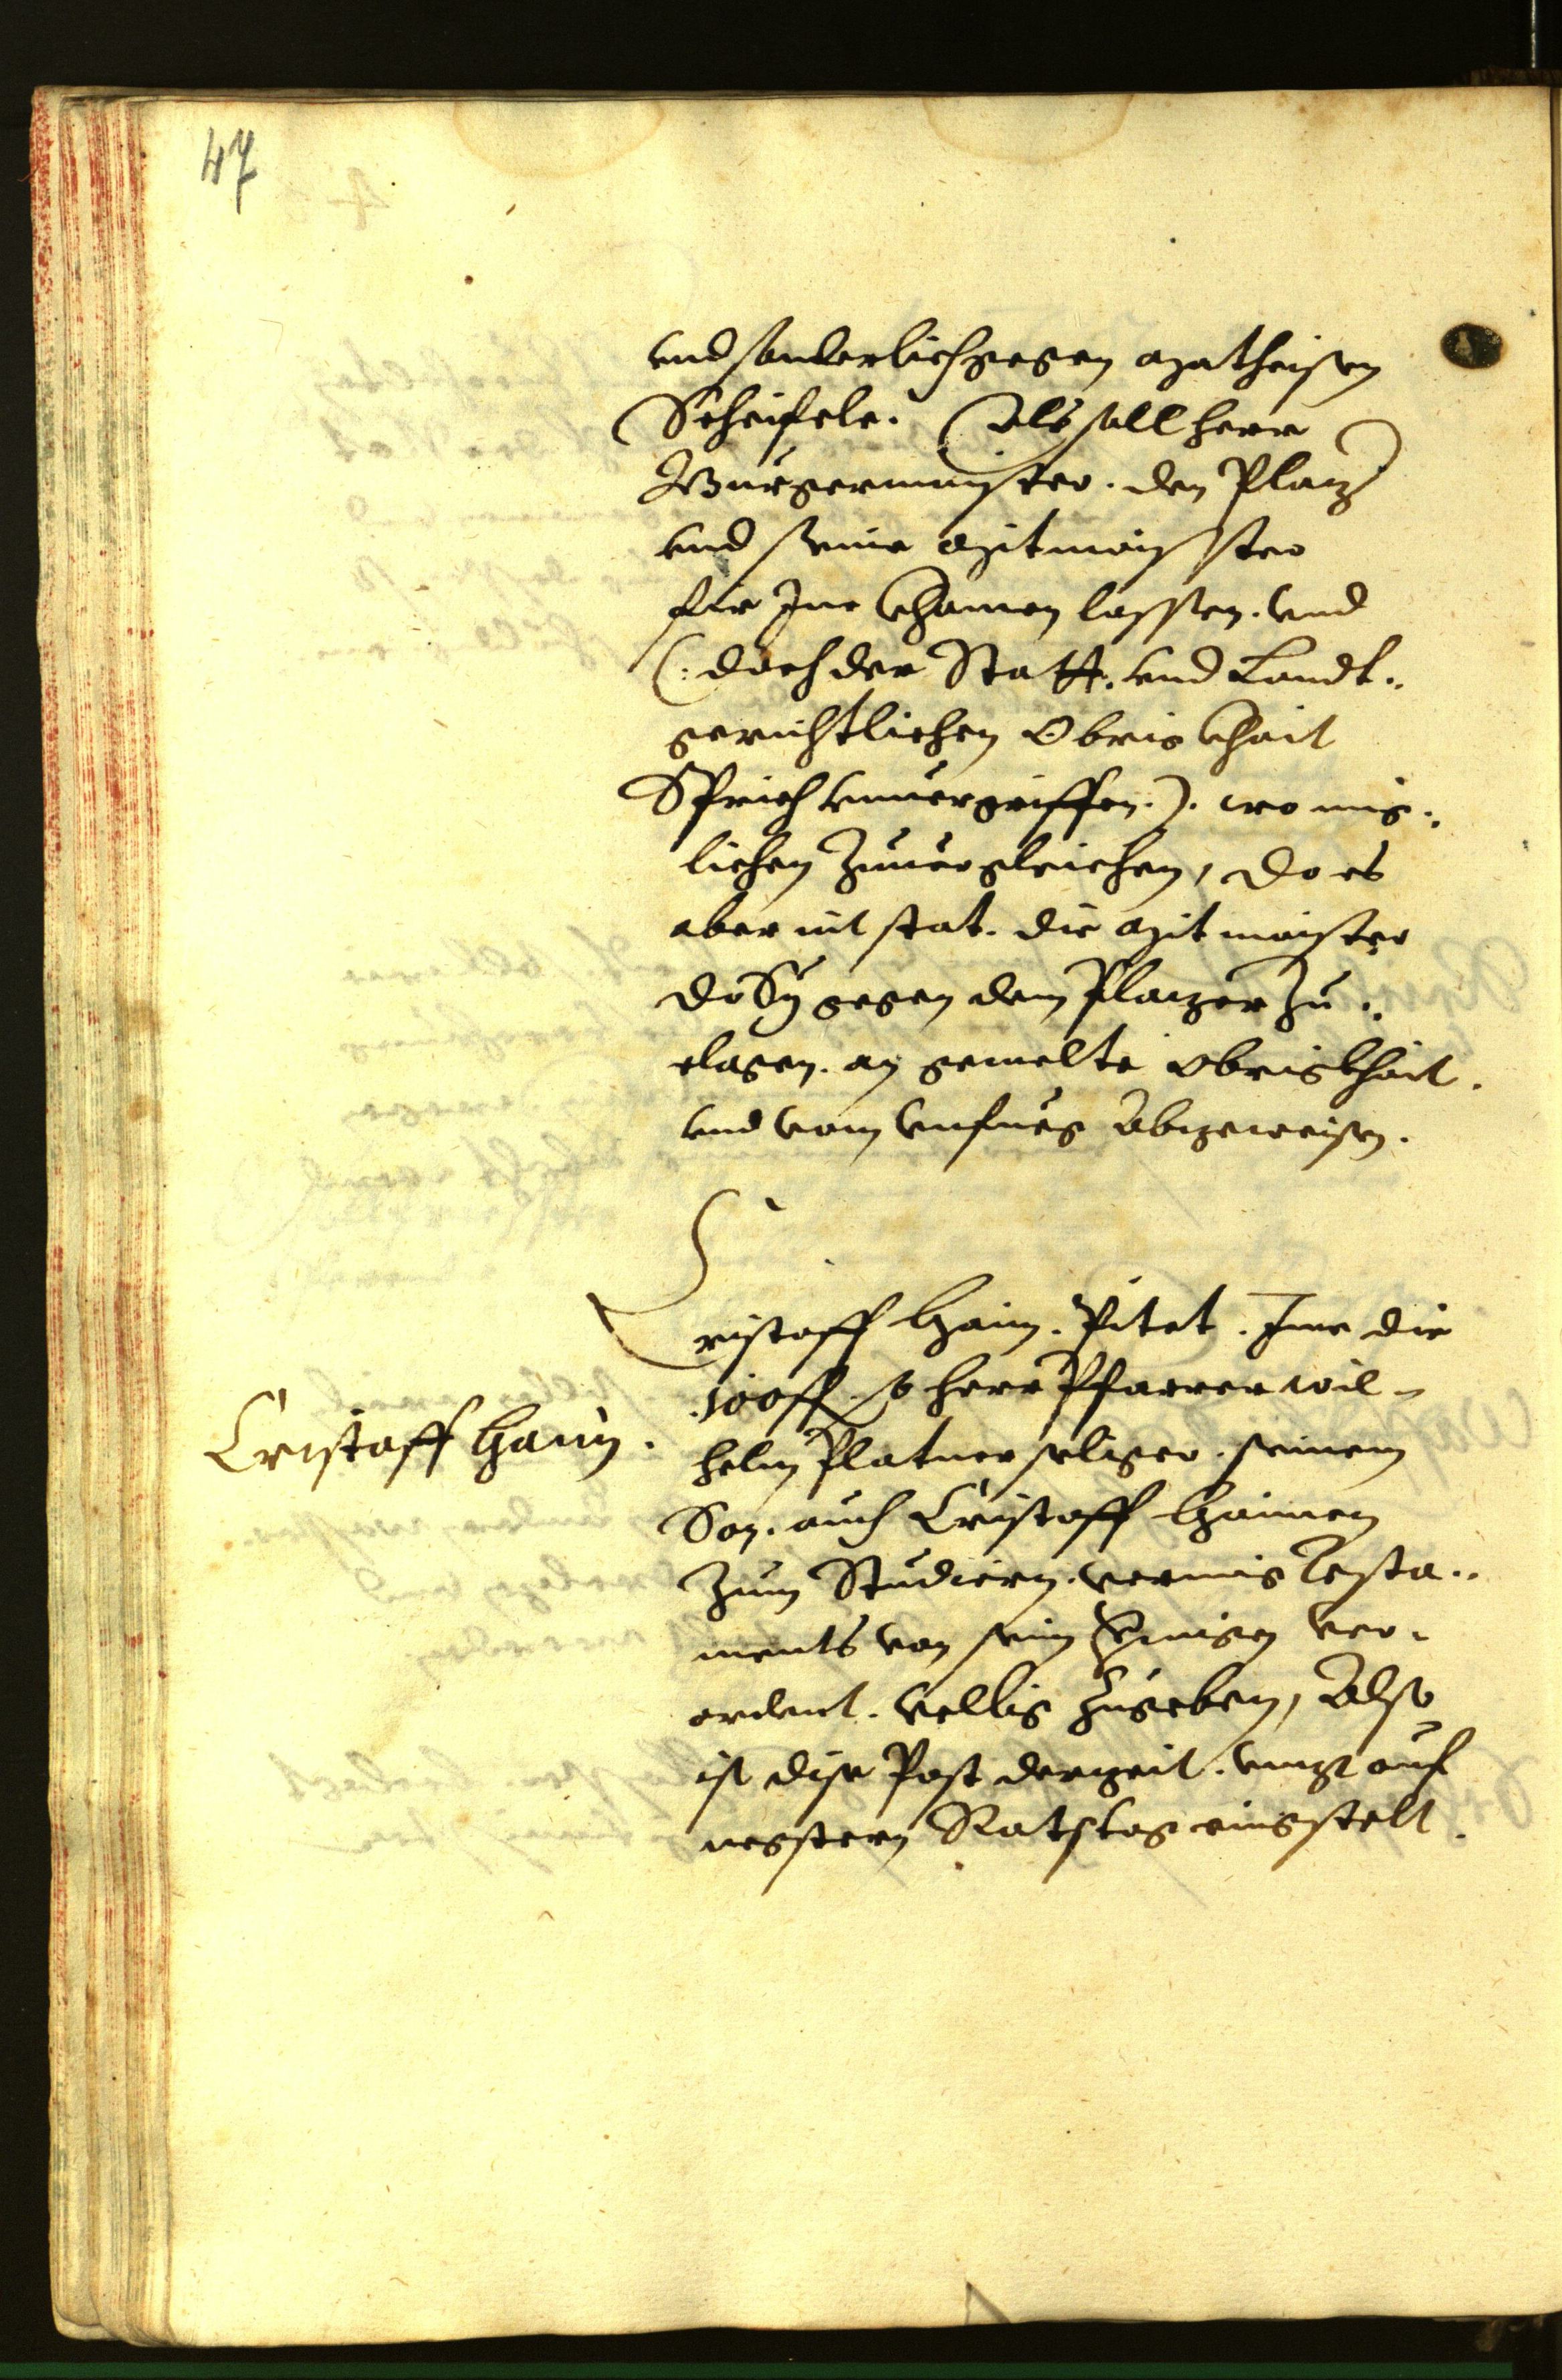47
vnd sonderlich gegen Matheisen
Scheifele. Als soll herr
Būrgermaister. den Plaz
Vnd seine Mitmaisster
fir Ine khomen lassen. vnd
(:doch der Statt: vnd Landt¬
gerichtlichen Obrigkhait
Sprich vnūergriffen.). wo mig¬
lichen Zūuērgleichen, da es
aber nit stat. die Mitmaister
da Sȳ gegen dem Plazer Zū¬
clagen. an gemelte Obrigkhait.
vnd vom vnfūeg Abzeweisen.
Cristoff Haim. Pitet. Ime die
.100 fl. so herr Pfarrer will¬
helm Platner seliger. seinem
Son. aūch Cristoff Haimen
Zūm Stūdiern. vermig Testa¬
ments von sein vmigen ver¬
ordnet. vellig Zūgeben, Also
ist dise Post derzeit. vnzt aūf
negstern Ratstag eingstellt.
Cristoff Haim.